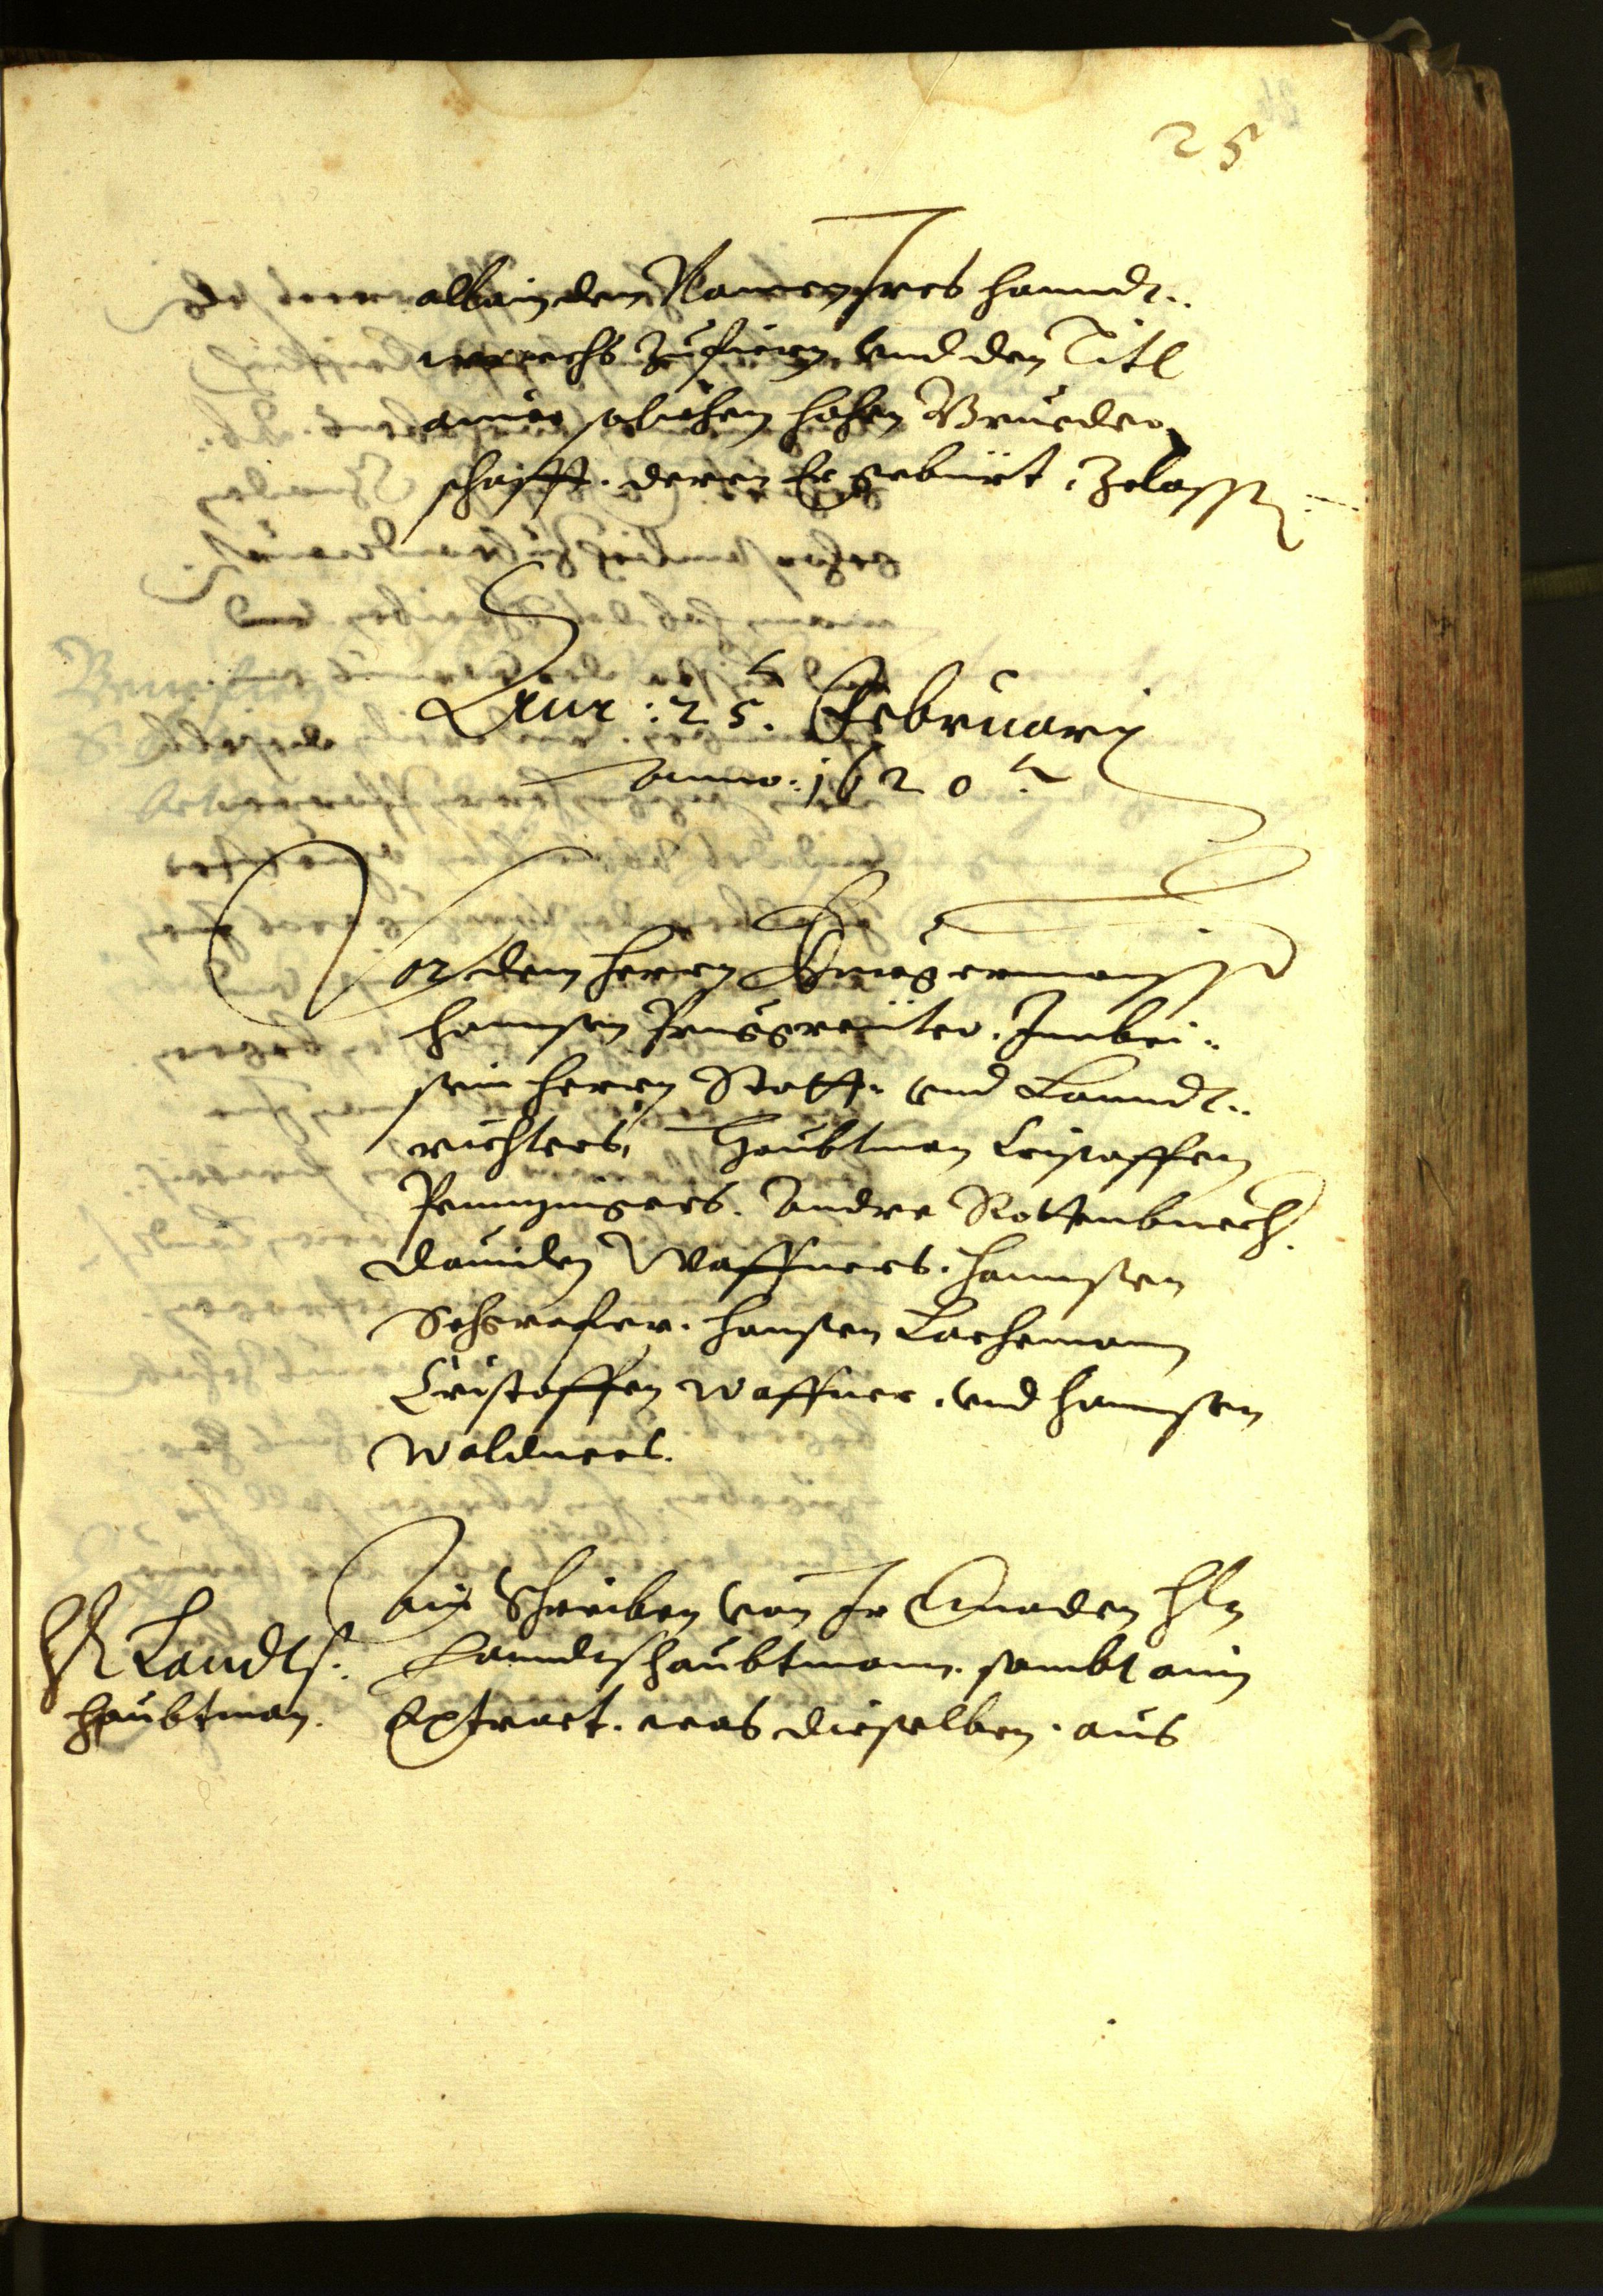25
allain den Namen Ires hanndt¬
werchs Zū fiern vnd den Titl
ainer solichen hohen Brūeder¬
schafft. deren Er gebürt, Zelassen.
Am: 25. Febrūarj
Anno: 1620 t.
Vor dem herrn Būrgermaisst
Hannsen Prūggreüter. Innbei¬
sein herrn Statt: vnd Lanndt¬
richters, Haūbtman Cristoffen
Penntzingers. Andre Rottenbūech.
Daūiden Waffners. hannsen
Schgrafer. hansen Lochemann
Cristoffen Waffner. vnd hannsen
Waldners.
Ain Schreiben von Ir Gnaden hln
Lanndtshaūbtmann. sambt aim
Extract. was dieselben. aūs
Hl Landts¬
haūbtman.